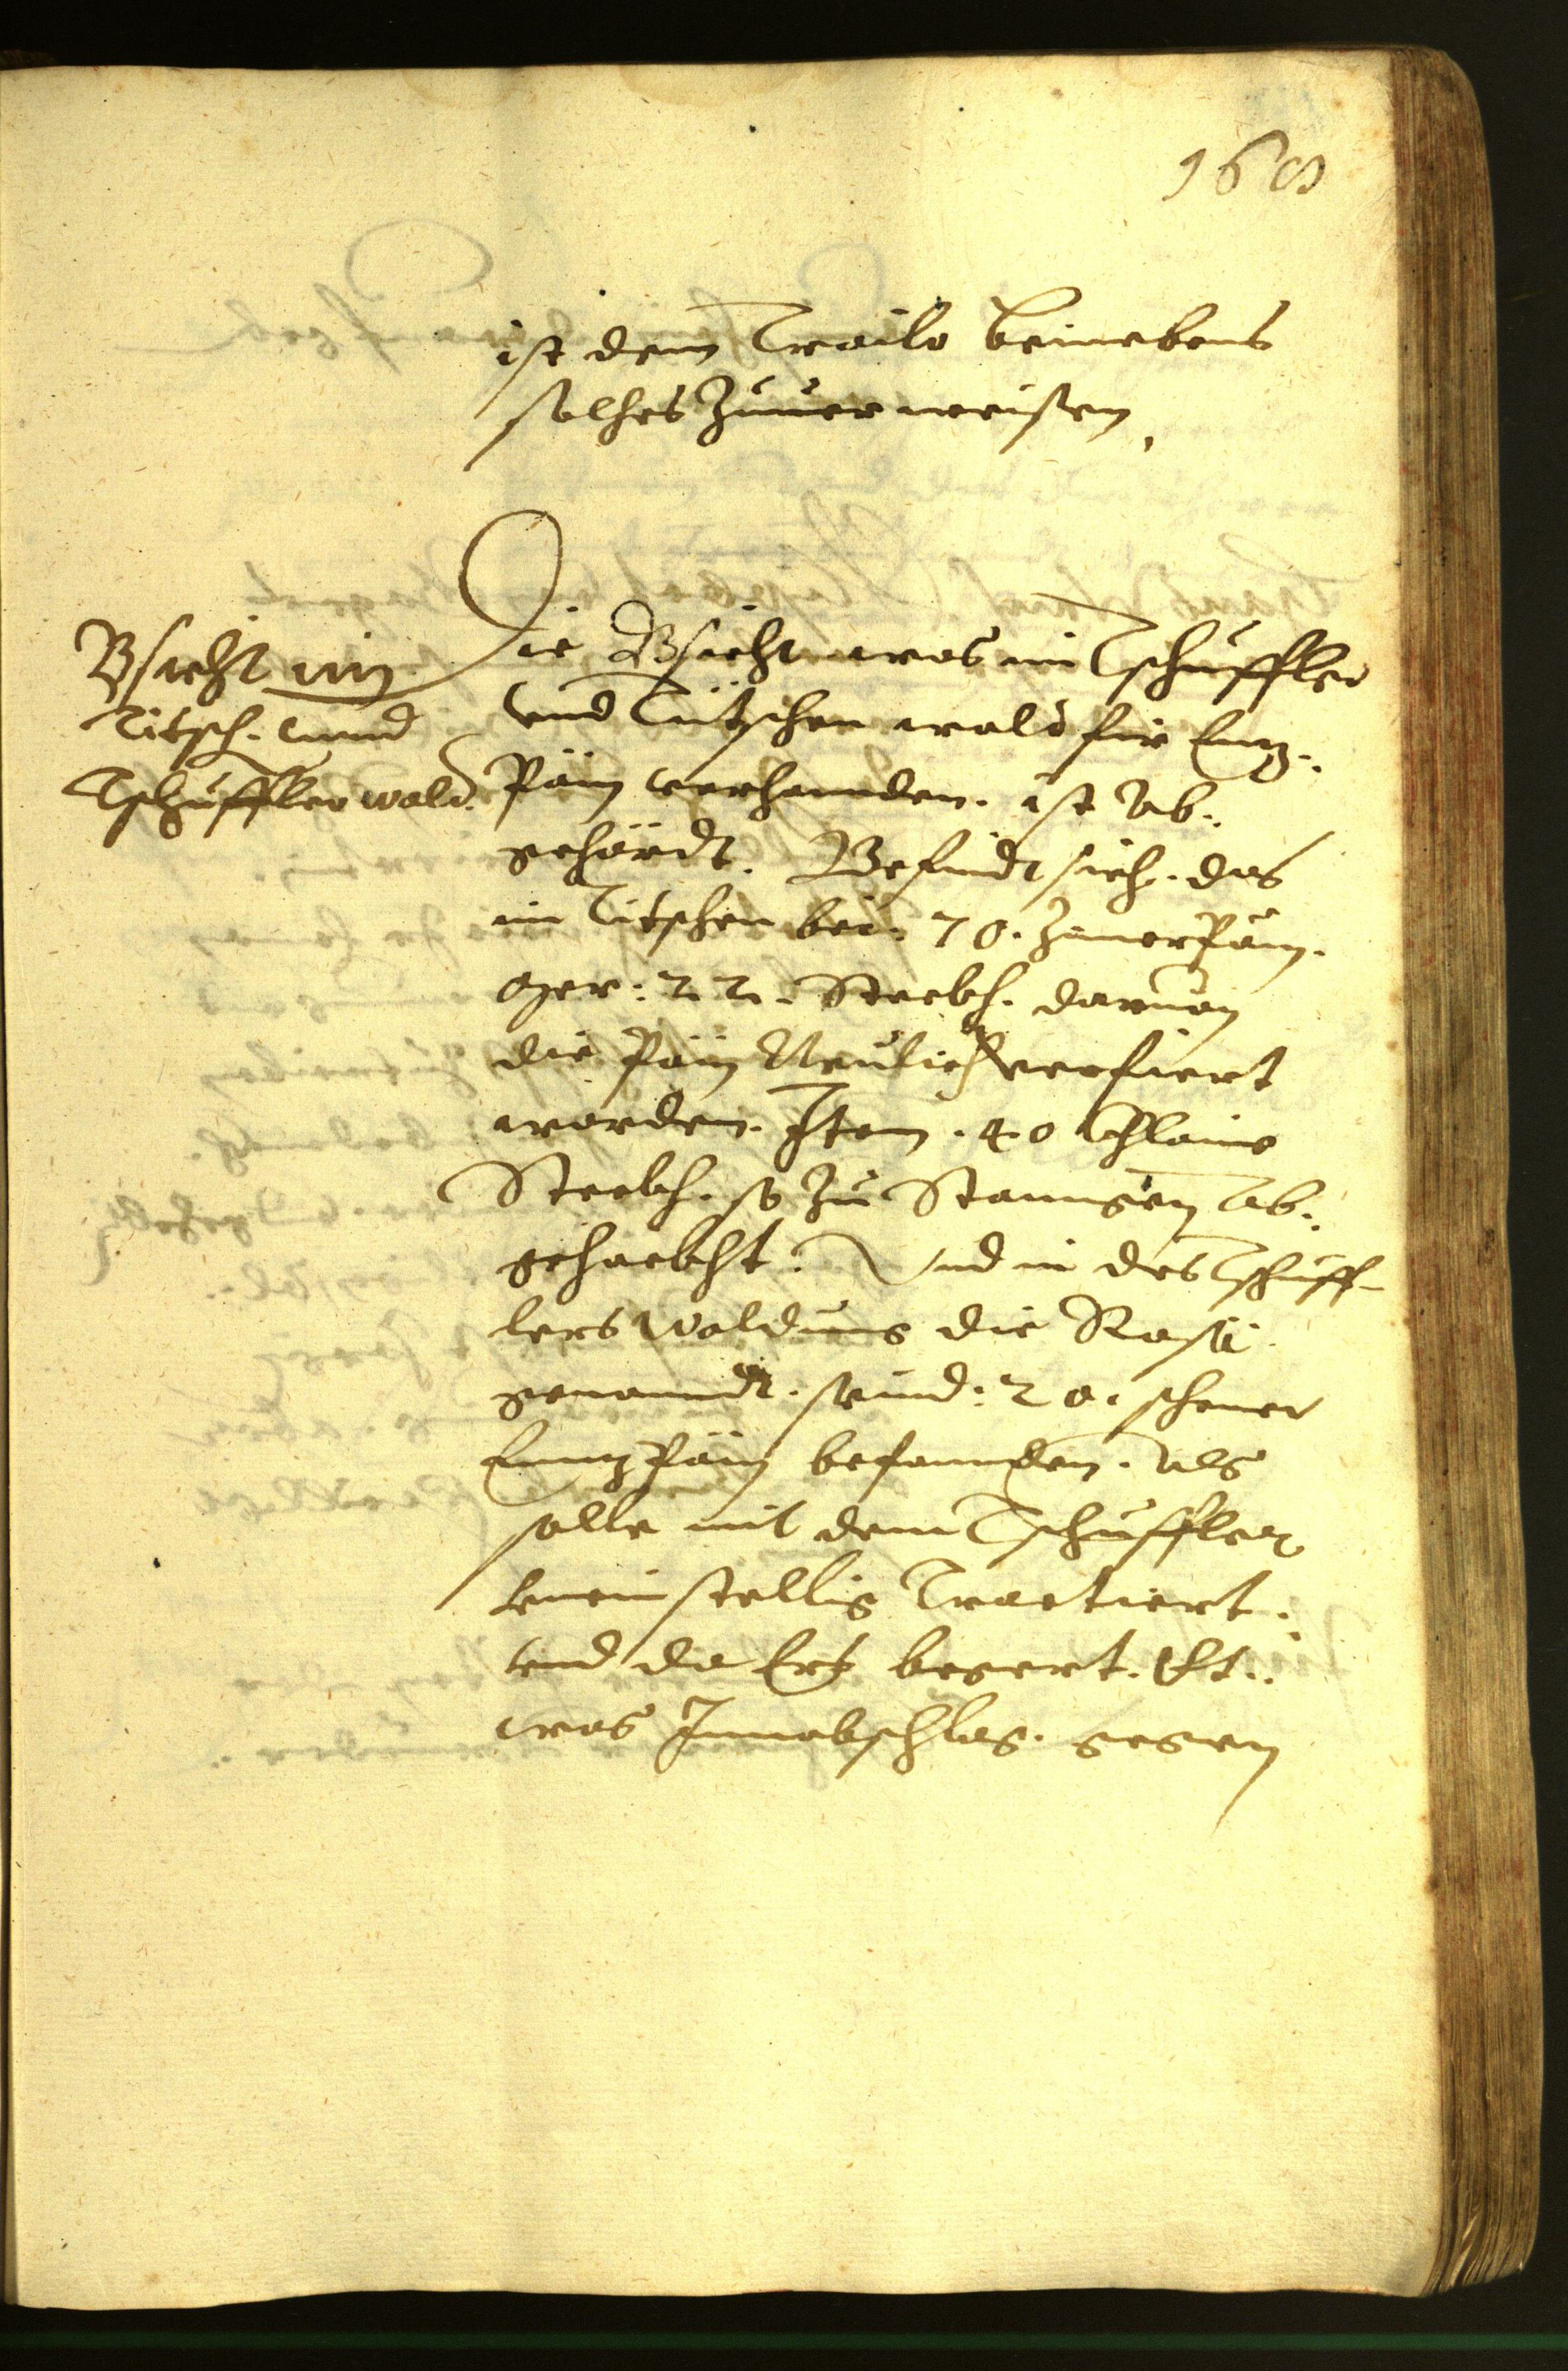168
ist dem Troilo beinebens
solhes Zūūerweisen.
Die Bsicht. was im Tschūffler
vnd Tütscher wald fir Enz¬
Päm verhanden. ist Ab¬
gehördt. Befindt sich. das
im Titschen bei: 70. Zimerpām.
Mer: 22 Steckh. darvon
die Päm Neūlich verfiert
worden. Item. 40 khlaine
Steckh. so Zū Stanngen Ab¬
gehackht. Vnd in des Tschūff¬
lers Waldūng die Rosä
genanndt. seind: 20. schener
Ennz Päm befannden. Als
solle mit dem Tschūffler
vneinstellig Tractiert¬
vnd da Ers begert. Et¬
was Innabschlag. gegen
Bsicht im
Titsch. vnnd
Tschūffler wald.